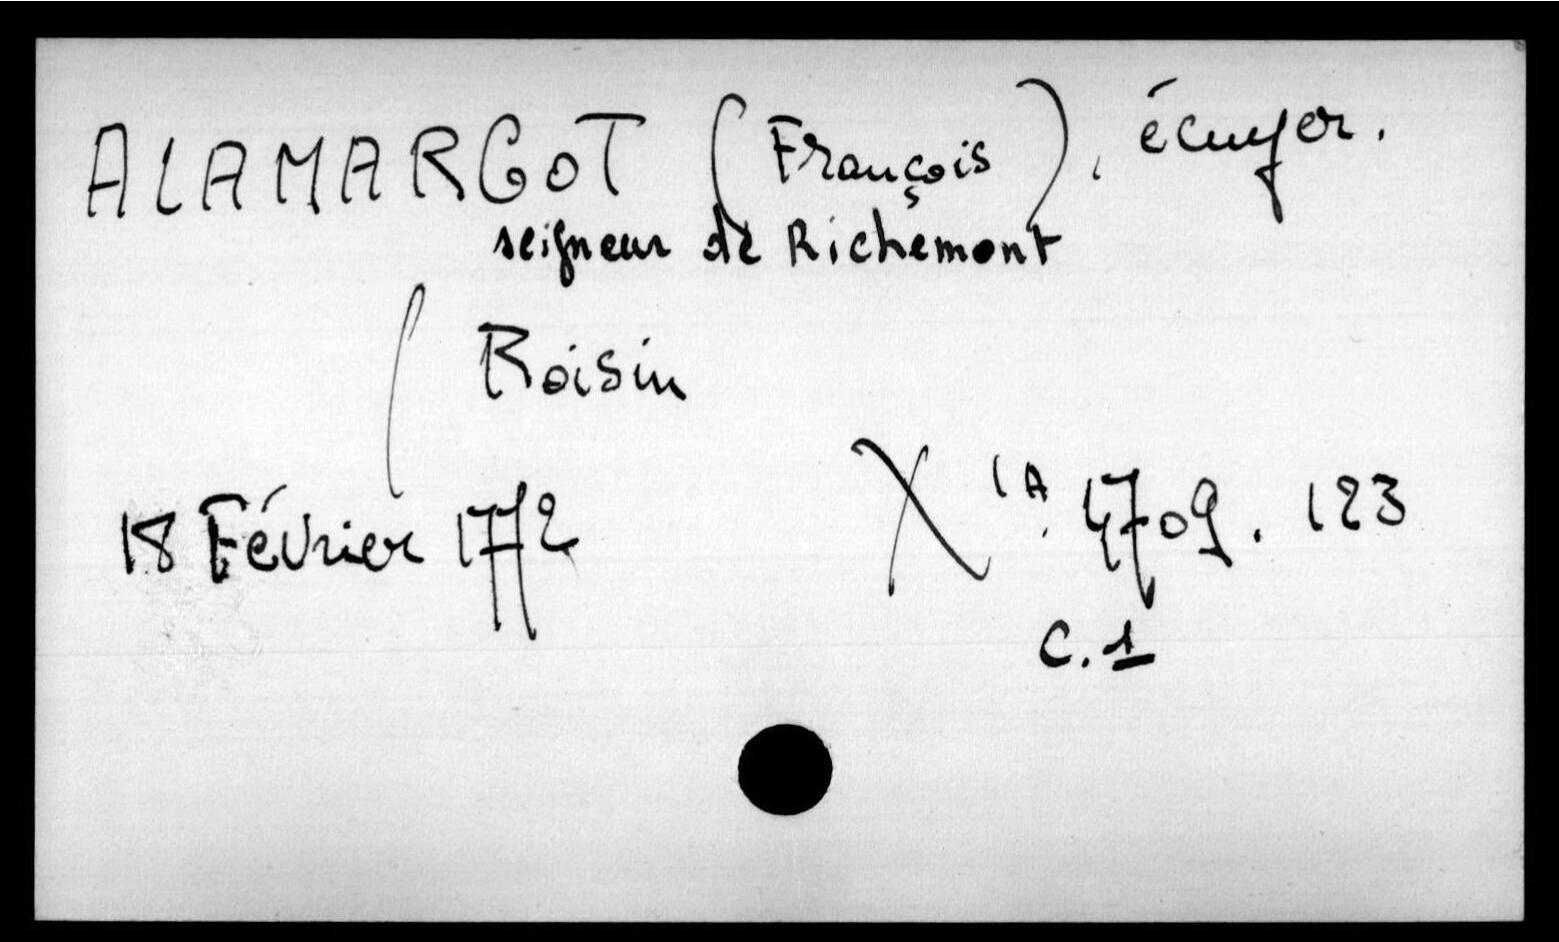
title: ALAMARGOT (François), écuyer seigneur de Richemont
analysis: Contre Roisin
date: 18 février 1772
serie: X1A
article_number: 4709
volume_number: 123 Conseil 1
